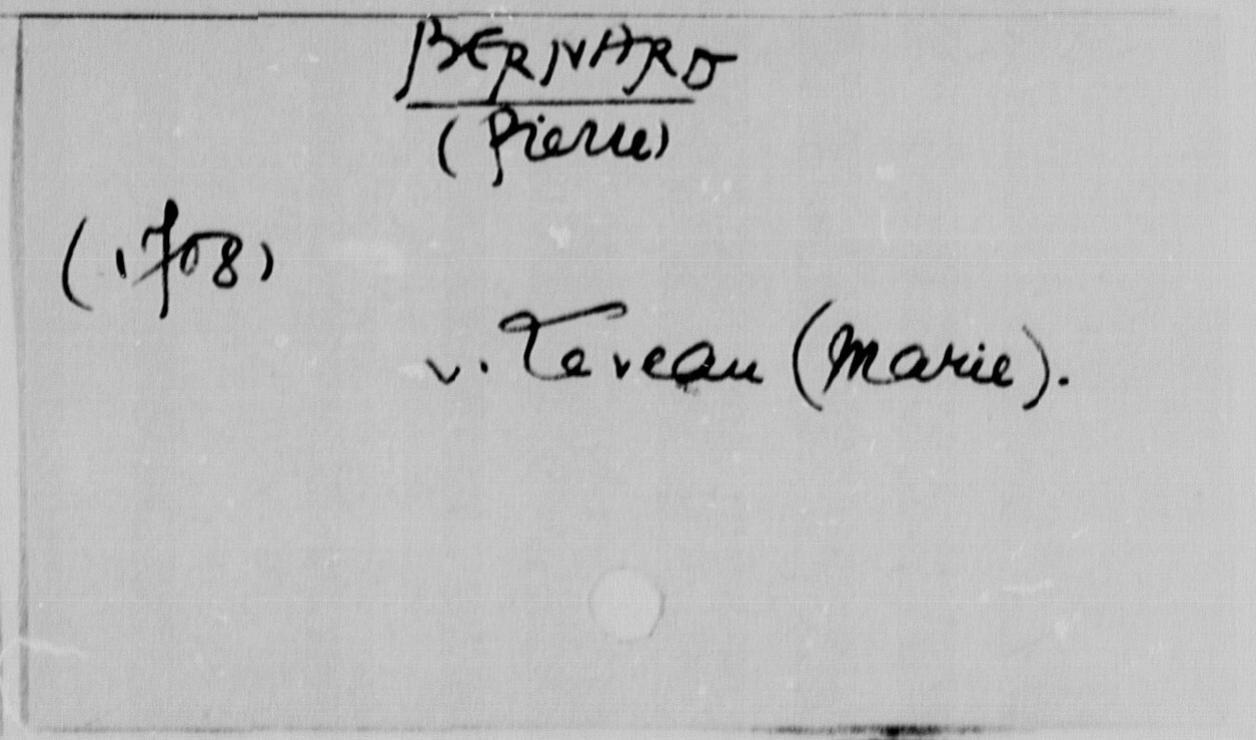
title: BERNARD (Pierre)
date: (1708)
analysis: Voir Leveau (Marie)
